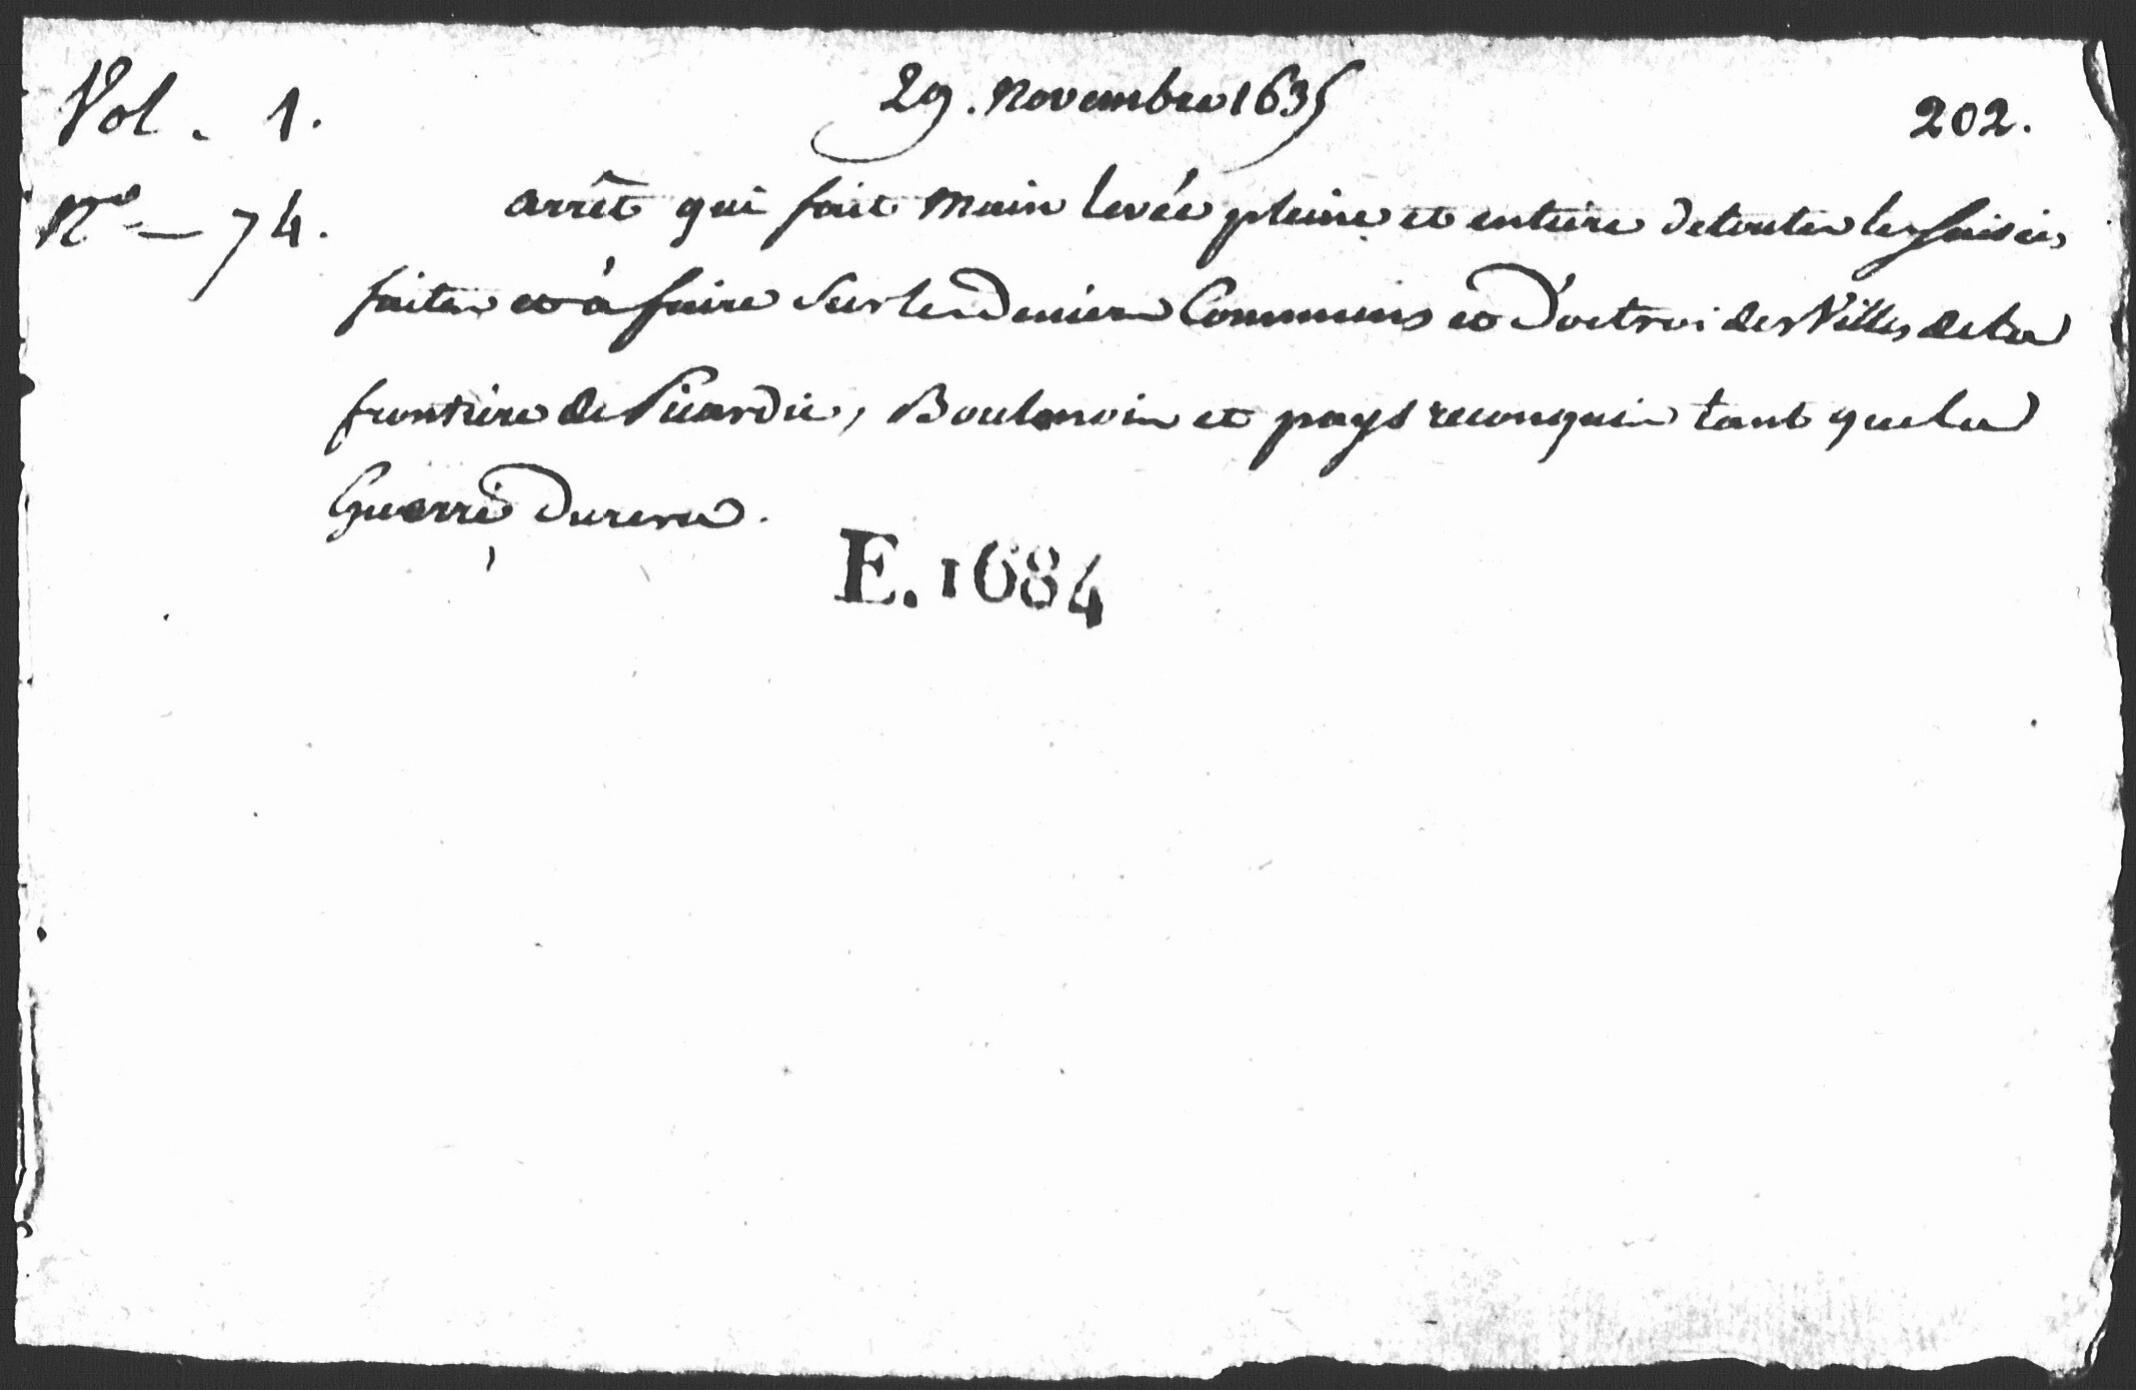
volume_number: n°74
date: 29 novembre 1635
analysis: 202
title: arrêt qui fait main levée pleine et entière de toutes les saisies faites et à faire sur les deniers communs et d'octroi des villes de la frontière de Picardie, Boulonois et pays reconquis tant que la guerre durera.
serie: E
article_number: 1684
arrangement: vol. 1
